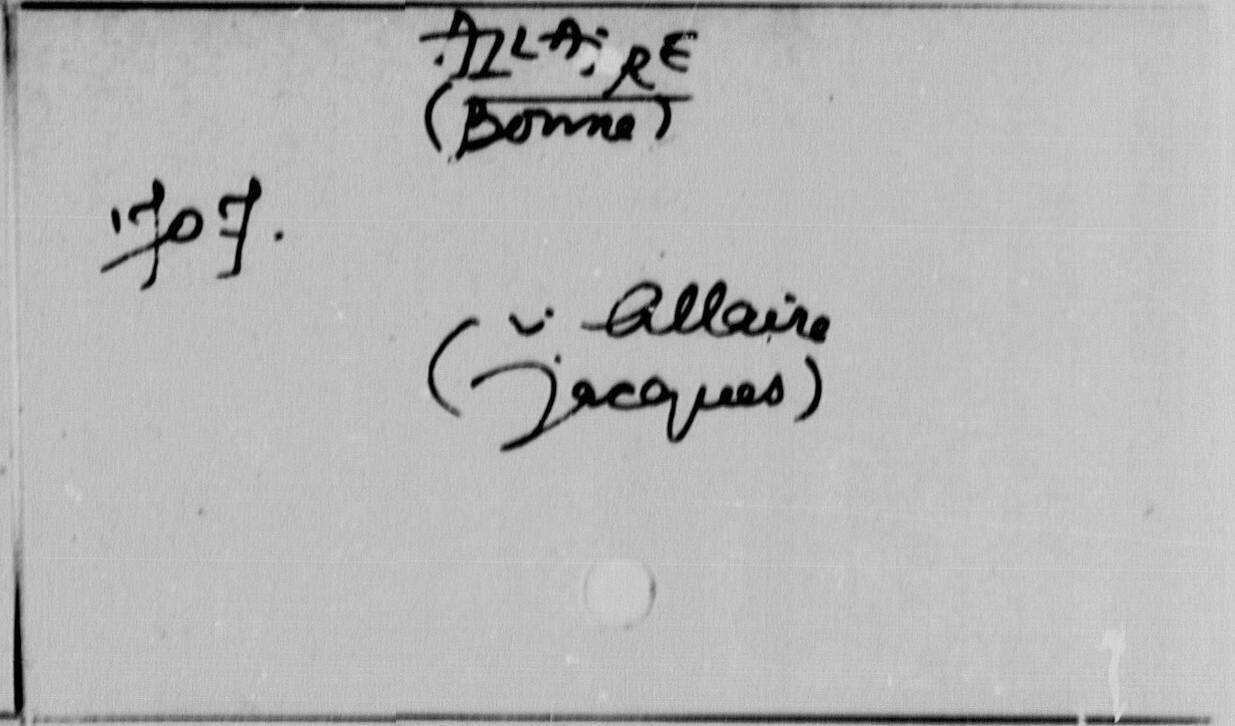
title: ALLAIRE (Bonne)
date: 1707
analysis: Voir ALLAIRE (Jacques)
